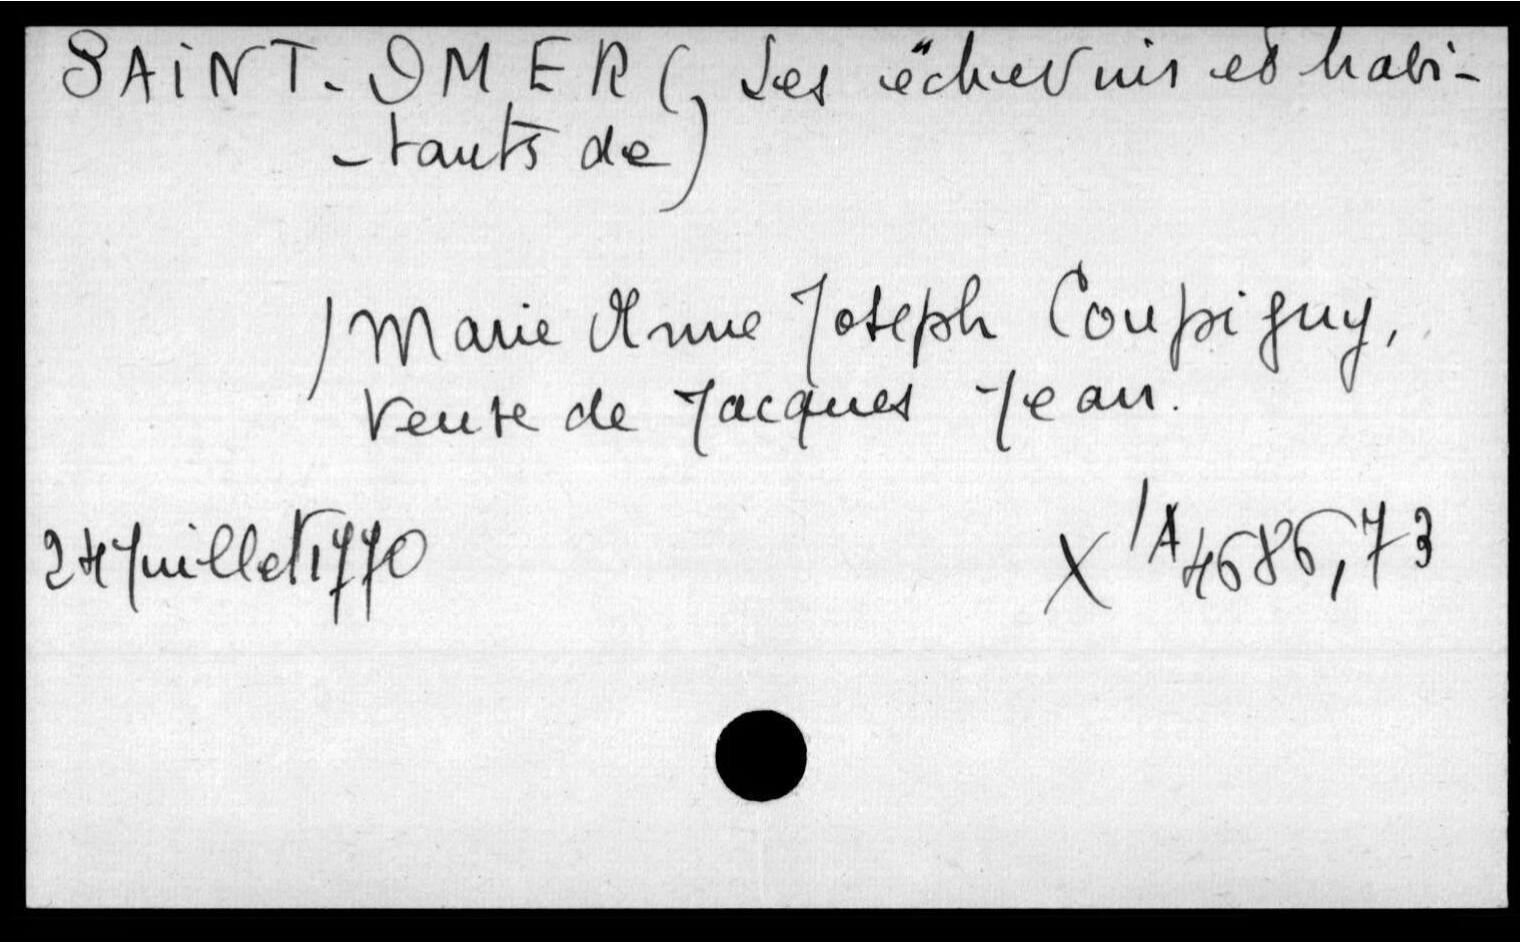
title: SAINT-OMER (Les échevins et habitants de)
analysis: Contre Marie Anne Joseph Coupigny, veuve de Jacques Jean
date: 24 juillet 1770
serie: X1A
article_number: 4686
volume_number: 73
